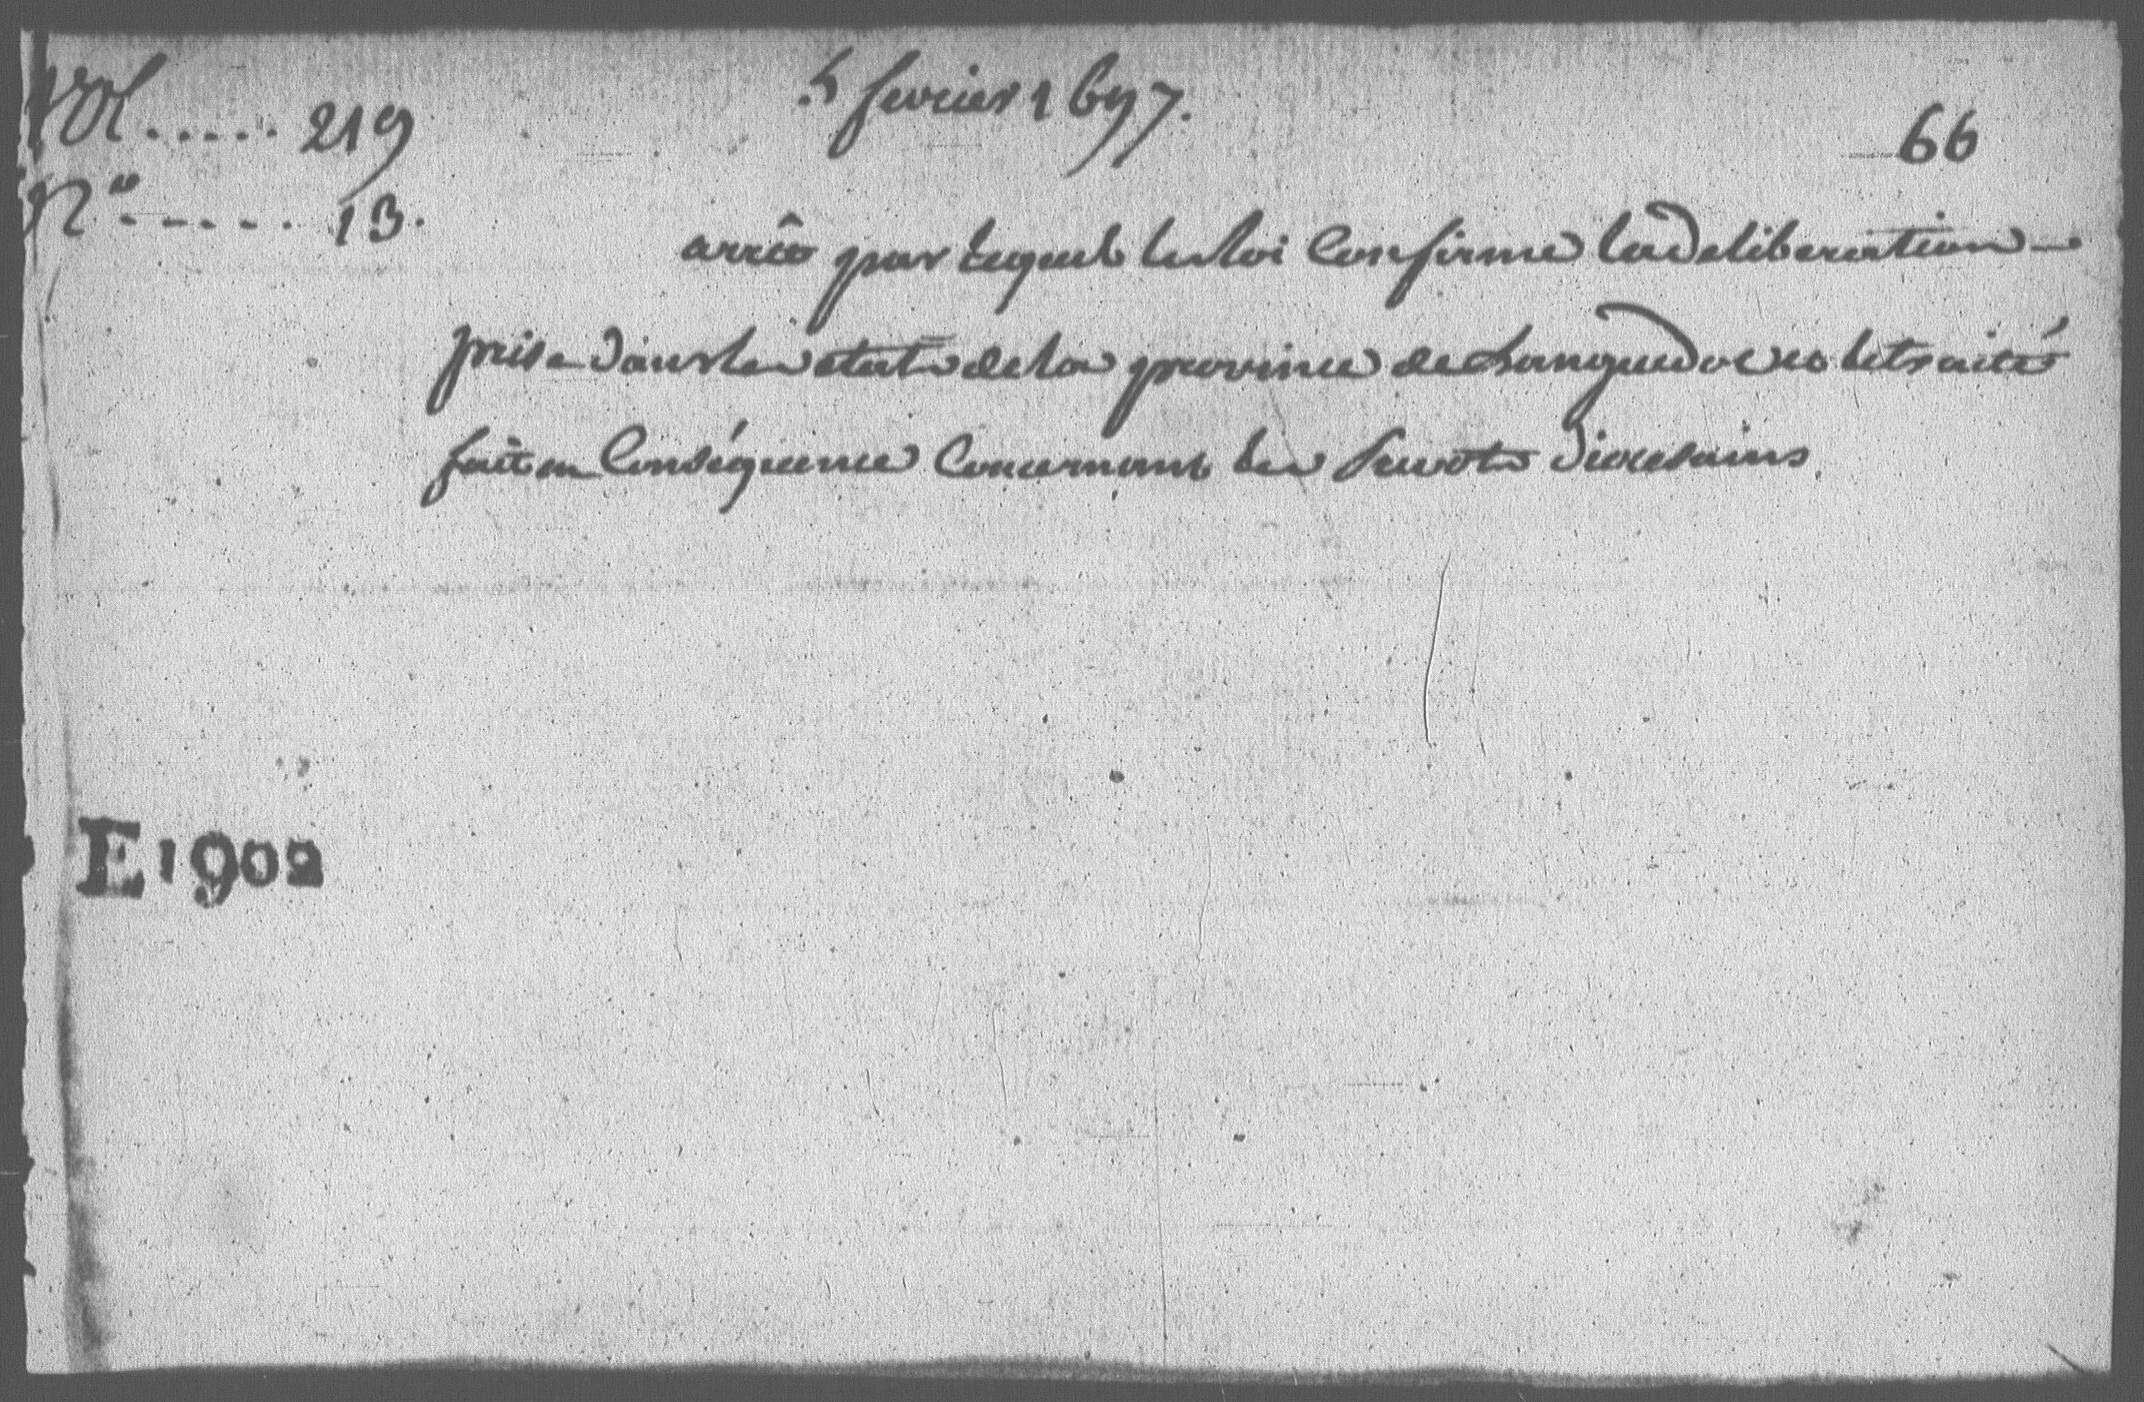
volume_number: n°13
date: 5 février 1697
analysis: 66
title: arrêt par lequel le Roi confirme la deliberation prise dans les etats de la province de Languedoc et le traité fait en conséquence concernant des Prevots diocesains.
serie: E
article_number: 1902
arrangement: vol. 219
